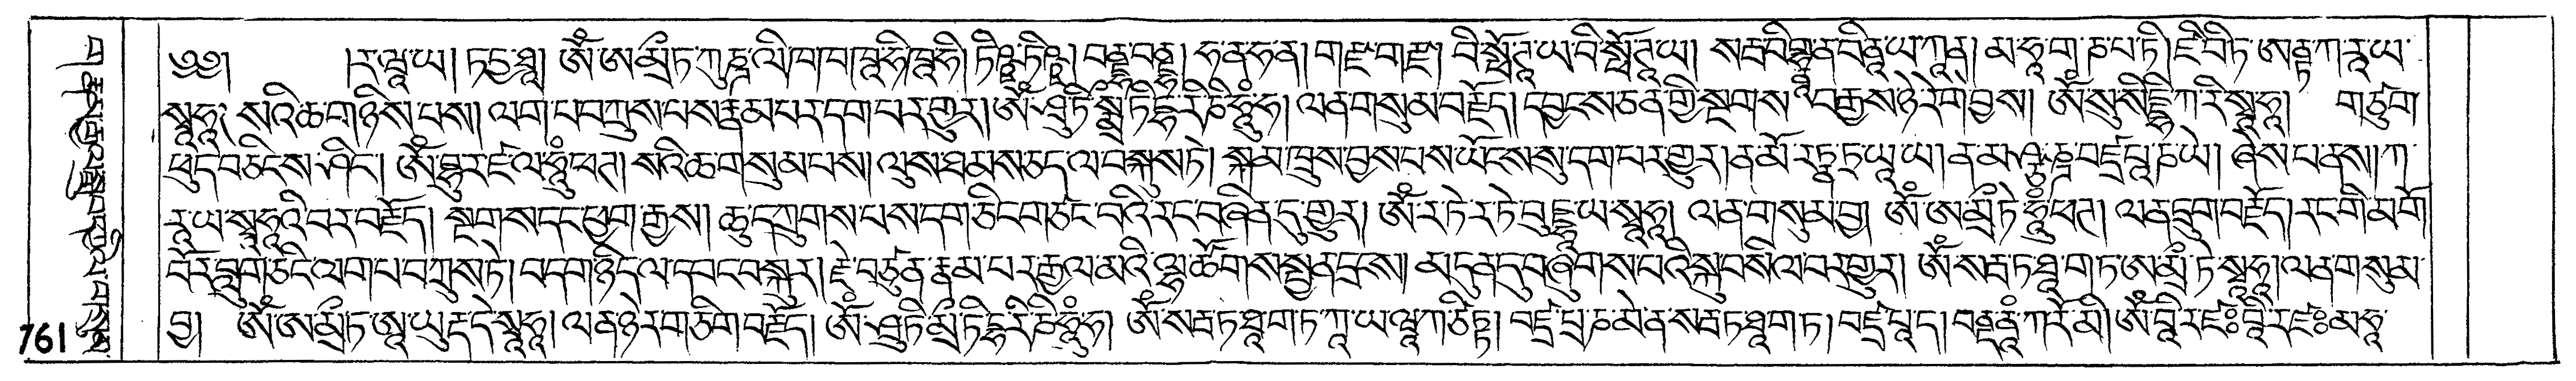༄༅། །ར་ཝཱ་ཡ། ཏདྱ་ཐཱ། ཨོཾ་ཨ་མྲྀ་ཏ་ཀུཎྜ་ལི་ཁ་ཁ་ཁཱ་ཧི་ཁཱ་ཧི། ཏིཥཊཿཨ་ཏིཥཊཿཨ། བནྡྷ་བནྡྷ། ཧ་ན་ཧ་ན། གརྫ་གརྫ། བི་སྥོ་ཊཱ་ཡ་བི་སྥོ་ཊཱ་ཡ། སརྦ་བིགྷྣཱ་ན་བི་ནཱ་ཡ་ཀཱན། མ་ཧཱ་ག་ཎ་པ་ཏི། ཛི་བི་ཏ་ཨནྟ་ཀ་རཱ་ཡ་
སྭཱཧཱ། སའི་ཆ་གཉིས་པས། ལག་པ་བཀྲུས་པས་རྣམ་པར་དག་པར་གྱུར། ཨོཾ་ཤྲུ་ཏི་སྨྲྀ་ཏི་དྷ་རི་ཎི་ཧཱུཾ་ཧ། ལན་གསུམ་བརྗོད། དབྱངས་ཅན་གྱི་སྔགས་བརྒྱས་ཉེ་རེག་བྱས། ཨོཾ་སུ་སིདྡྷི་ཀ་རི་སྭཱཧཱ། གཙུག་
ཕུད་བཅིངས་ཤིང་། ཨོཾ་བྷུ་ར་ཛ་ལ་ཧཱུཾ་ཕཊ། སའི་ཆ་གསུམ་པས། ལུས་ཐམས་ཅད་ལ་བསྐུས་ཏེ། སྐམ་ཁྲུས་བྱས་པས་ཡོངས་སུ་དག་པར་གྱུར། ན་མོ་རཏྣ་ཏྲ་ཡཱ་ཡ། ན་མཤྩ་ཎྜ་བཛྲ་པཱ་ཎ་ཡེ། ཞེས་པ་ནས། ཀ་
རཱ་ཡ་སྭཱཧཱའི་བར་བརྗོད། སྔགས་དང་ཕྱག་རྒྱས། ཆུ་དཀྲུགས་པས་དག་ཅིང་གཙང་བའི་རང་བཞིན་དུ་གྱུར། ཨོཾ་ར་ཏེ་ར་ཏེ་བུདྡྷཱ་ཡ་སྭཱཧཱ། ལན་གསུམ་བྱ། ཨོཾ་ཨ་མྲྀ་ཏེ་ཧཱུཾ་ཕཊ། ལན་དྲུག་བརྗོད། རང་གི་མགོ་
བོར་བླུག་ཅིང་ལག་པ་བཀྲུས་ཏེ། བདག་ཉིད་ལ་དབང་བསྐུར། རྗེ་བཙུན་རྣམ་པར་རྒྱལ་མའི་ལྷ་ཚོགས་སྤྱན་དྲངས། མདུན་དུ་བཞུགས་པའི་སྐུ་བསིལ་བར་གྱུར། ཨོཾ་སརྦ་ཏ་ཐཱ་ག་ཏ་ཨ་མྲྀ་ཏེ་སྭཱཧཱ། ལན་གསུམ་
བྱ། ཨོཾ་ཨ་མྲྀ་ཏ་ཨཱ་ཡུ་རྡ་དེ་སྭཱཧཱ། ལན་ཉེར་གཅིག་བརྗོད། ཨོཾ་ཤྲུ་ཏི་མྲྀ་ཏི་དྷ་རི་ཎི་ཧཱུཾ་ཧ། ཨོཾ་སརྦ་ཏ་ཐཱ་ག་ཏ་ཀཱ་ཡ་ཝཱ་ཀ་ཙིཏྟ། བཛྲ་པྲ་ཎ་མེ་ན་སརྦ་ཏ་ཐཱ་ག་ཏ། བཛྲ་པཱ་ད། བནྡ་ནཱཾ་ཀ་རོ་མི། ཨོཾ་བཱི་ར་ཛཿ བཱི་ར་ཛཿ མཧཱ་